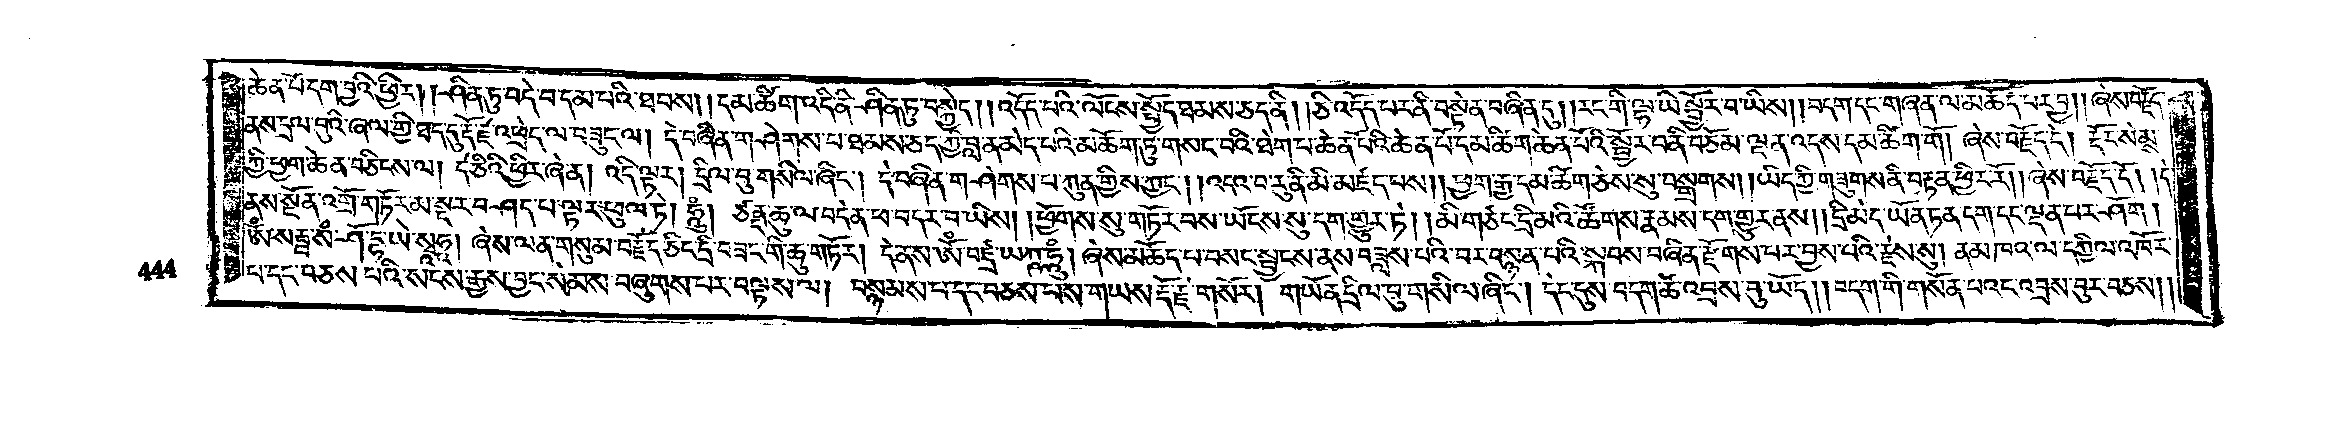ཆེན་པོ་དག་བྱའི་ཕྱིར། །ཤིན་ཏུ་བདེ་བ་དམ་པའི་ཐབས། །དམ་ཚིག་འདི་ནི་ཤིན་ཏུ་བསྐྱེད། །འདོད་པའི་ལོངས་སྤྱོད་ཐམས་ཅད་ནི། །ཅི་འདོད་པར་ནི་བསྟེན་བཞིན་དུ། །རང་གི་ལྷ་ཡི་སྦྱོར་བ་ཡིས། །བདག་དང་གཞན་ལ་མཆོད་པར་བྱ། །ཞེས་བརྗོད་
ནས་དྲིལ་བུའི་ཞལ་གྱི་ཐད་དུ་རྡོ་རྗེ་འཕྲེད་ལ་བཟུང་ལ། དེ་བཞིན་གཤེགས་པ་ཐམས་ཅད་ཀྱི་བླ་ན་མེད་པའི་མཆོག་ཏུ་གསང་བའི་ཐེག་པ་ཆེན་པོའི་ཆེན་པོ་དམ་ཚིག་ཆེན་པོའི་སྦྱོར་བ་ནི་བཅོམ་ལྡན་འདས་དམ་ཚིག་གོ །ཞེས་བརྗོད་དེ། རྡོར་སེམས་
ཀྱི་ཕྱག་ཚན་བཅིངས་ལ། དེ་ཅིའི་ཕྱིར་ཞེ་ན། འདི་ལྟར། དྲིལ་བུ་གསིལ་ཞིང་། དེ་བཞིན་གཤེགས་པ་ཀུན་གྱིས་ཀྱང་། །འདའ་བ་རུ་ནི་མི་མཛད་པས། །ཕྱག་རྒྱ་དམ་ཚིག་ཅེས་སུ་བསྒྲགས། །ཡིད་ཀྱི་གཟུགས་ནི་བརྟན་ཕྱིར་རོ། །ཞེས་བརྗོད་དོ། །དེ་
ནས་སྔོན་འགྲོ་གཏོར་མ་སྔར་བཤད་པ་ལྟར་ཕུལ་ཏེ། ཧཱུཾ། ཙནྡན་ཆུ་ལ་བདེན་པ་བདར་བ་ཡིས། །ཕྱོགས་སུ་གཏོར་བས་ཡོངས་སུ་དག་གྱུར་ཏེ། །མི་གཙང་དྲི་མའི་ཚོགས་རྣམས་དག་གྱུར་ནས། །དྲི་མེད་ཡོན་ཏན་དག་དང་ལྡན་པར་ཤོག །
ཨོཾ་སརྦྦ་སཾ་ཤོ་དྷ་ཡེ་སྭཱཧཱ། ཞེས་ལན་གསུམ་བརྗོད་ཅིང་དྲི་བཟང་གི་ཆུ་གཏོར། དེ་ནས་ཨོཾ་བཛྲ་ཡཀྵ་ཧཱུཾ། ཞེས་མཆོད་པ་བསང་སྦྱངས་ནས་བཟླས་པའི་བར་བསྙེན་པའི་སྐབས་བཞིན་རྫོགས་པར་བྱས་པའི་རྗེས་སུ། ནམ་མཁའ་ལ་དཀྱིལ་འཁོར་
པ་དང་བཅས་པའི་སངས་རྒྱས་བྱང་སེམས་བཞུགས་པར་བལྟས་ལ། བསྙམས་པ་དང་བཅས་པས་གཡས་རྡོ་རྗེ་གསོར། གཡོན་དྲིལ་བུ་གསིལ་ཞིང་། དེང་དུས་བདག་ཚེ་འབྲས་བུ་ཡོད། །བདག་གི་གསོན་པའང་འབྲས་བུར་བཅས།།